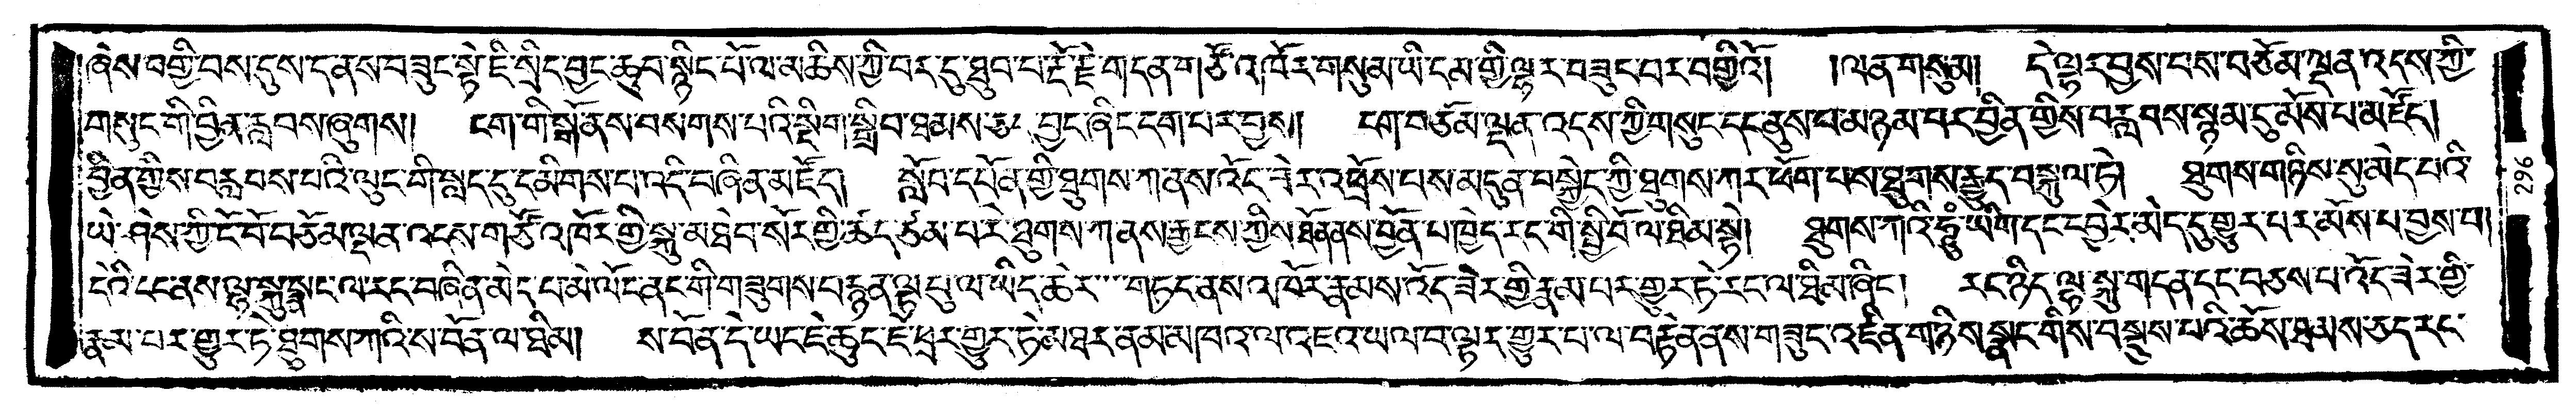ཞེས་བགྱི་བས་དུས་ད་ནས་བཟུང་སྟེ་ཇི་སྲིད་བྱང་ཆུབ་སྙིང་པོ་ལ་མཆིས་ཀྱི་བར་དུ་ཐུབ་པ་རྡོ་རྗེ་གདན་གཙོ་འཁོར་གསུམ་ཡི་དམ་གྱི་ལྷར་བཟུང་བར་བགྱིའོ། །ལན་གསུམ། དེ་ལྷར་བྱས་པས་བཅོམ་ལྡན་འདས་ཀྱི་
གསུང་གི་བྱིན་རླབས་ཞུགས། ངག་གི་སྒོ་ནས་བསགས་པའི་སྡིག་སྒྲིབ་ཐམས་ཅད་བྱང་ཞིང་དག་པར་བྱས། ངག་བཅོམ་ལྡན་འདས་ཀྱི་གསུང་དང་ནུས་པ་མཉམ་པར་བྱིན་གྱིས་བརླབས་སྙམ་དུ་མོས་པ་མཛོད།
བྱིན་གྱིས་བརླབས་པའི་ལུང་གི་སླད་དུ་དམིགས་པ་འདི་བཞིན་མཛོད། སློབ་དཔོན་གྱི་ཐུགས་ཀ་ནས་འོད་ཟེར་འཕྲོས་པས་མདུན་བསྐྱེད་ཀྱི་ཐུགས་ཀར་ཕོག་པས་ཐུགས་རྒྱུད་བསྐུལ་ཏེ། ཐུགས་གཉིས་སུ་མེད་པའི་
ཡེ་ཤེས་ཀྱི་ངོ་བོ་བཅོམ་ལྡན་འདས་གཙོ་འཁོར་གྱི་སྐུ་མཐེབ་སོར་གྱི་ཚད་ཙམ་པ་རེ་ཐུགས་ཀ་ནས་རྒྱངས་ཀྱིས་ཐོན་ནས་བྱོན་པ་ཁྱེད་རང་གི་སྤྱི་བོ་ལ་ཐིམ་སྟེ། ཐུགས་ཀའི་ཧཱུཾ་ཡིག་དང་དབྱེར་མེད་དུ་གྱུར་པར་མོས་པ་བྱས་པ།
དེའི་ངང་ནས་ལྷ་སྐུ་སྣང་ལ་རང་བཞིན་མེད་པ་མེ་ལོང་ནང་གི་གཟུགས་བརྙན་ལྟ་བུ་ལ་ཡིད་ཆེར་གཏང་ནས་འཁོར་རྣམས་འོད་ཟེར་གྱི་རྣམ་པར་གྱུར་ཏེ་རང་ལ་ཐིམ་ཞིང་། རང་ཉིད་ལྷ་སྐུ་གདན་དང་བཅས་པ་འོད་ཟེར་གྱི་
རྣམ་པར་གྱུར་ཏེ་ཐུགས་ཀའི་ས་བོན་ལ་ཐིམ། ས་བོན་དེ་ཡང་ཇེ་ཆུང་ཇེ་ཕྲར་གྱུར་ཏེ་མཐར་ནམ་མཁའ་ལ་འཇའ་ཡལ་བ་ལྟར་གྱུར་པ་ལ་བརྟེན་ནས་གཟུང་འཛིན་གཉིས་སྣང་གིས་བསྡུས་པའི་ཆོས་ཐམས་ཅད་རང་